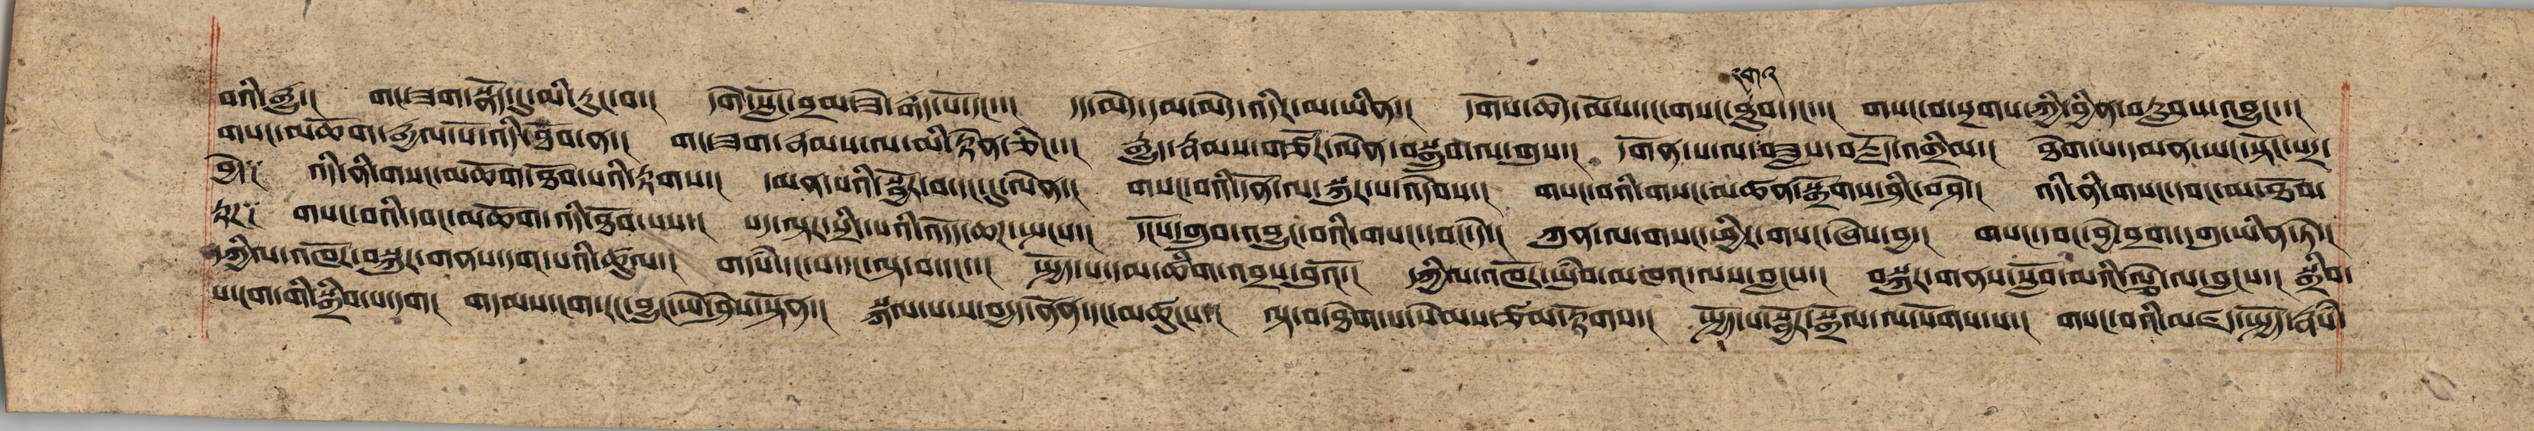བའི་རྒྱུ་། གང་ཟག་སྣོད་དུ་མི་རུང་བ་། དགེ་སློང་བྲམ་ཟེ་རྒད་པོ་དང་་། དད་མེད་དམ་མེད་འདིར་མ་ཡིན་། དགོས་ཆེད་མོས་དང་གསང་ཐུབ་དང་་། གསང་བ་སྔགས་ཀྱི་བྱིན་བརླབས་འབྱུང་་།
གསང་མཆོག་རྒྱལ་པོ་འདི་ཐོབ་ན་། གང་ཟག་རྣམས་ལ་མི་རྟེན་ཅིང་་། རྒྱུད་རྣམས་གཙོར་ལེན་བསྒྲུབ་ལ་གུས་། དགོན་པ་ལ་བཟླས་བརྗོད་འགྲིམ་། ཐེག་པ་དམན་ཡང་སྟོང་པར་
བྱེད༑ འདི་ནི་གསང་མཆོག་ཐོབ་པའི་རྟགས་། དམན་པའི་སྦྱོར་བ་དང་དུ་ལེན་། གསང་བའི་དོན་ལ་སྐུར་པ་འདེབས་། གསང་བའི་གསང་མཚན་སྒྲོགས་ཤིང་བཤེ་། འདི་ནི་གསང་དབང་མ་ཐོབ་
རྟཌ༑ གསང་བའི་དབང་མཆོག་འདི་ཐོབ་པས་། པད་ལྟར་སྲིད་པའི་འདོད་ཆཌ་སྤངས་། དངོས་གྲུབ་འབྱུང་བའི་གསང་དབང་དེ་། ཀུན་ལ་གསང་ཕྱིར་གསང་ཞེས་བྱ་། གསང་དབང་བྱེ་བྲག་དགུ་ཡིན་ཏེ་།
དཀྱིལ་འཁོར་བསྐུར་གནས་དག་པའི་ཚུལ་། གདཾས་དང་བ་དང་ལྟ་བ་དང་་། སྤྱོད་པ་དམ་ཚིག་འབྲས་བུའོ་། དཀྱིལ་འཁོར་ཡུཾབ་མཁའ་ལས་བླངས་། བསྐུར་གནས་སློབ་མའི་ལྕེ་ལ་བླངས་། སྒྲིབ་
པ་ངག་གི་སྒྲིབ་པ་དག། གདམས་ངག་རང་བྱུང་ཡེ་ཤེས་སྟོན་། སྐལ་པ་ས་བདྱད་ནོན་དང་མཚུངས་། ལྟ་བ་ཐེག་པ་་སེམས་ཙམ་རྟོགས་། སྤྱོད་པ་སྦྱོར་སྒྲོལ་ལ་སོགས་པ་། གསང་བའི་མཛད་སྤྱོད་རྣཾས་